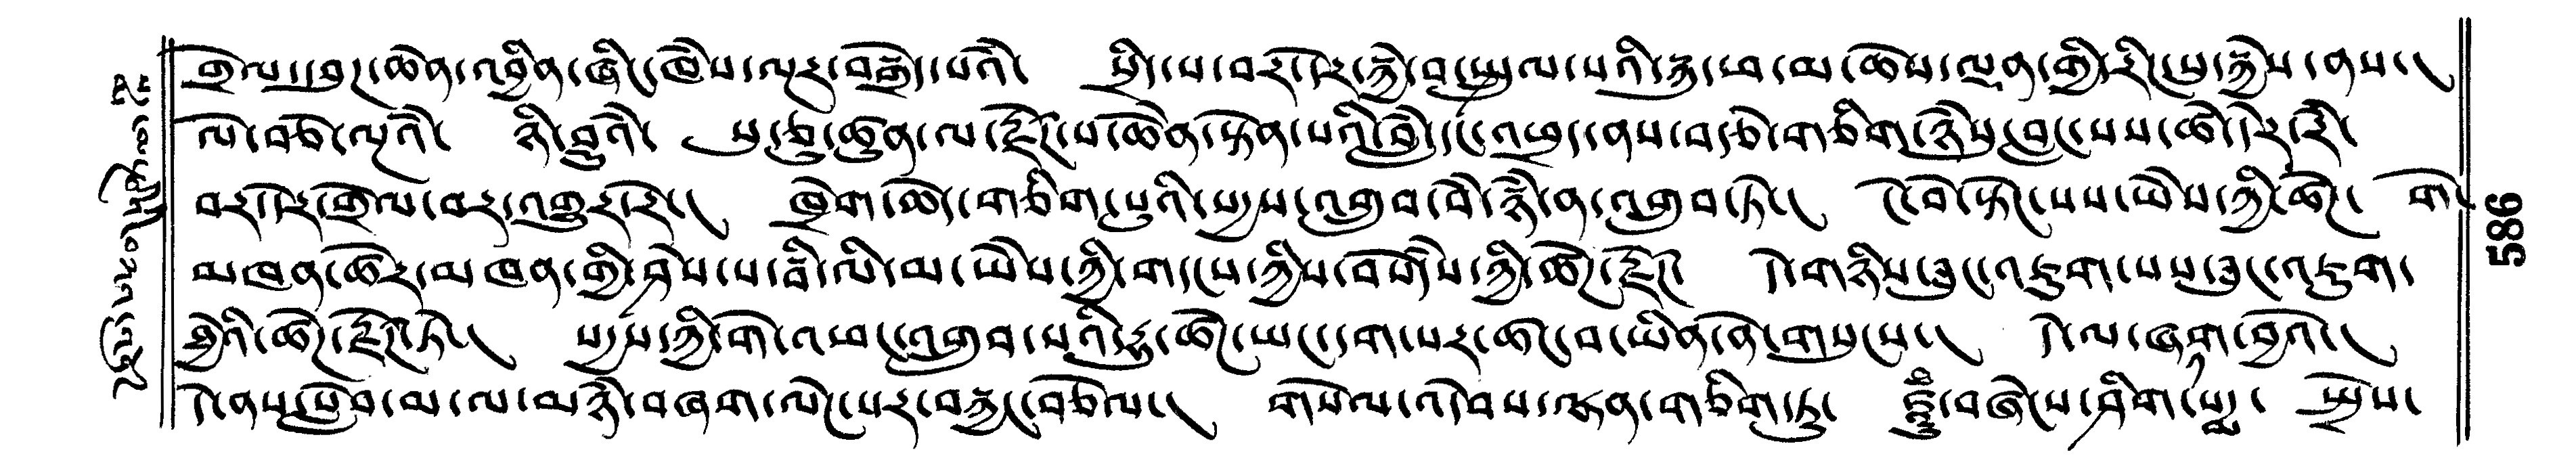གྲོལ་དབུགས་ཆེན་འབྱིན་པའི་ཞིང་ཁམས་ལྔར་བསྒྲོད་པའམ། སྲིད་པ་བར་དོར་སྐྱེ་བ་སྤྲུལ་པའི་སྐུ་ཕ་མ་ཆོས་ལྡན་གྱི་རིགས་སུ་སྐྱེས་ནས། 
ལོ་བཅོ་ལྔའམ། ཉི་ཤུའམ། སུམ་ཅུ་ཚུན་ལ་རྫོགས་པ་ཆེན་པོ་སྟོན་པའི་བླ་མ་དང་འཕྲད་ནས་བརྩེ་གཅིག་ཉམས་སུ་བླང་པས་ཚེ་དེར་རམ་
བར་དོར་གྲོལ་བར་འགྱུར་རོ། ཁྲེགས་ཆོད་གཅིག་པུའི་སངས་རྒྱས་འགྲུབ་བམ་སྙམ་ན་འགྲུབ་ཏེ། ངོ་བོ་སྟོང་པས་ཡེ་ཤེས་ཀྱི་ཚོགས། གོ་
མཁན་ཚོར་མཁན་གྱི་ཤེས་པ་སྦི་ལི་མ་ཡེ་ཤེས་ཀྱི་གདངས་ཀྱིས་བསོད་ནམས་ཀྱི་ཚོགས་རྫོགས། དེ་གཉིས་ཟུང་དུ་འཇུག་པས་ཟུང་འཇུག་
ཐུགས་རྗེའི་ཚོགས་རྫོགས་ཏེ། སངས་རྒྱས་ཀྱི་གོ་འཕང་འགྲུབ་པའི་རྒྱུ་ཚོགས་ཡང་དག་པར་ཚང་བ་ཡིན་ནོ་གསུངས། དེ་ལ་ཞག་གཅིག་བྱའོ། 
དེ་ནས་སློབ་མ་ལ་མཉམ་བཞག་ལེགས་པར་བསྐྱང་བཅོལ། གསོལ་འདེབས་ལྷན་གཅིག་ཏུ། ཧཱུྃ༔བཞེངས་ཤིག་པདྨ༴ སྤྲོས་